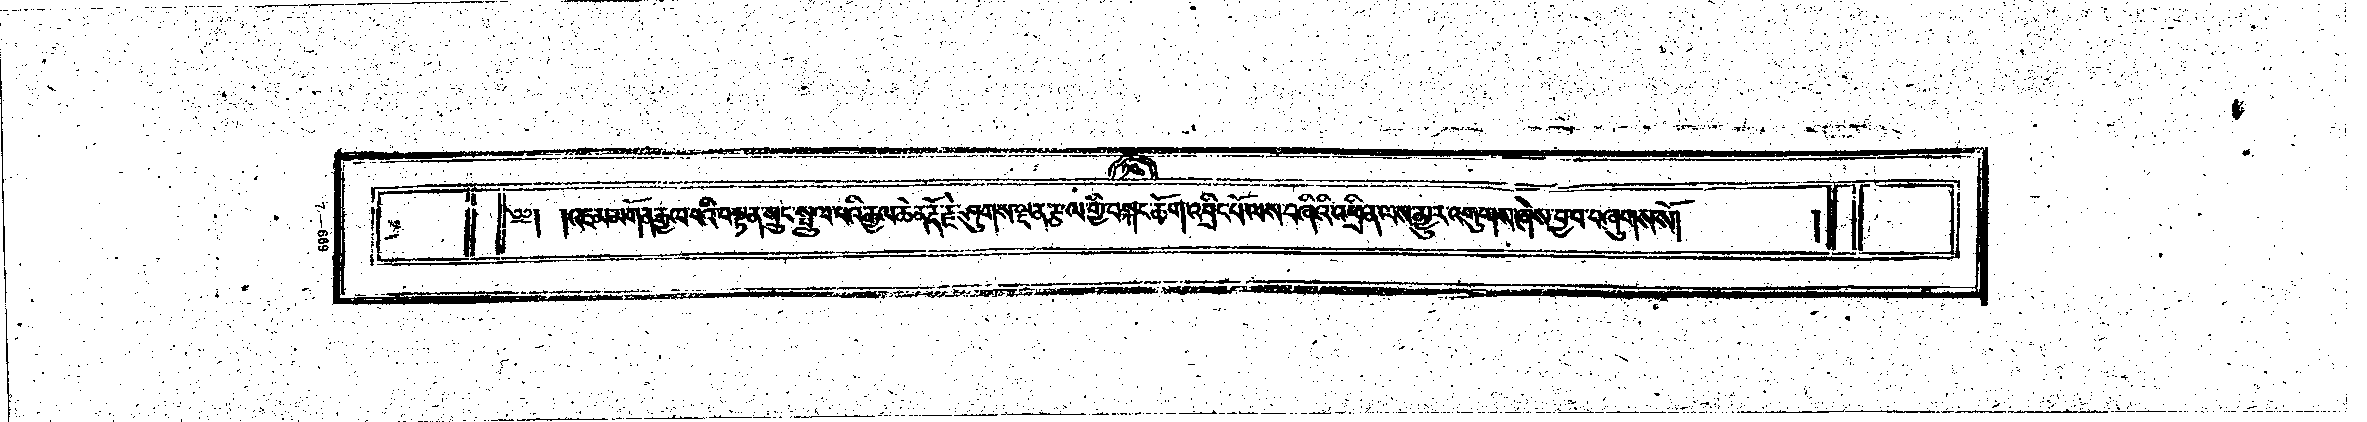༄༅། །འཇམ་མགོན་རྒྱལ་བའི་བསྟན་སྲུང་སྤྲུལ་པའི་རྒྱ༑ ཆེན་རྡོ་རྗེ་ཤུགས་ལྡན་རྩལ་གྱི་བསྐང་ཆོག་འབྲིང་བོ་ལས་བཞིའི་འཕྲིན་ལས་མྱུར་འགུགས་ཞེས་བྱ་བ་བཞུགས་སོ། །